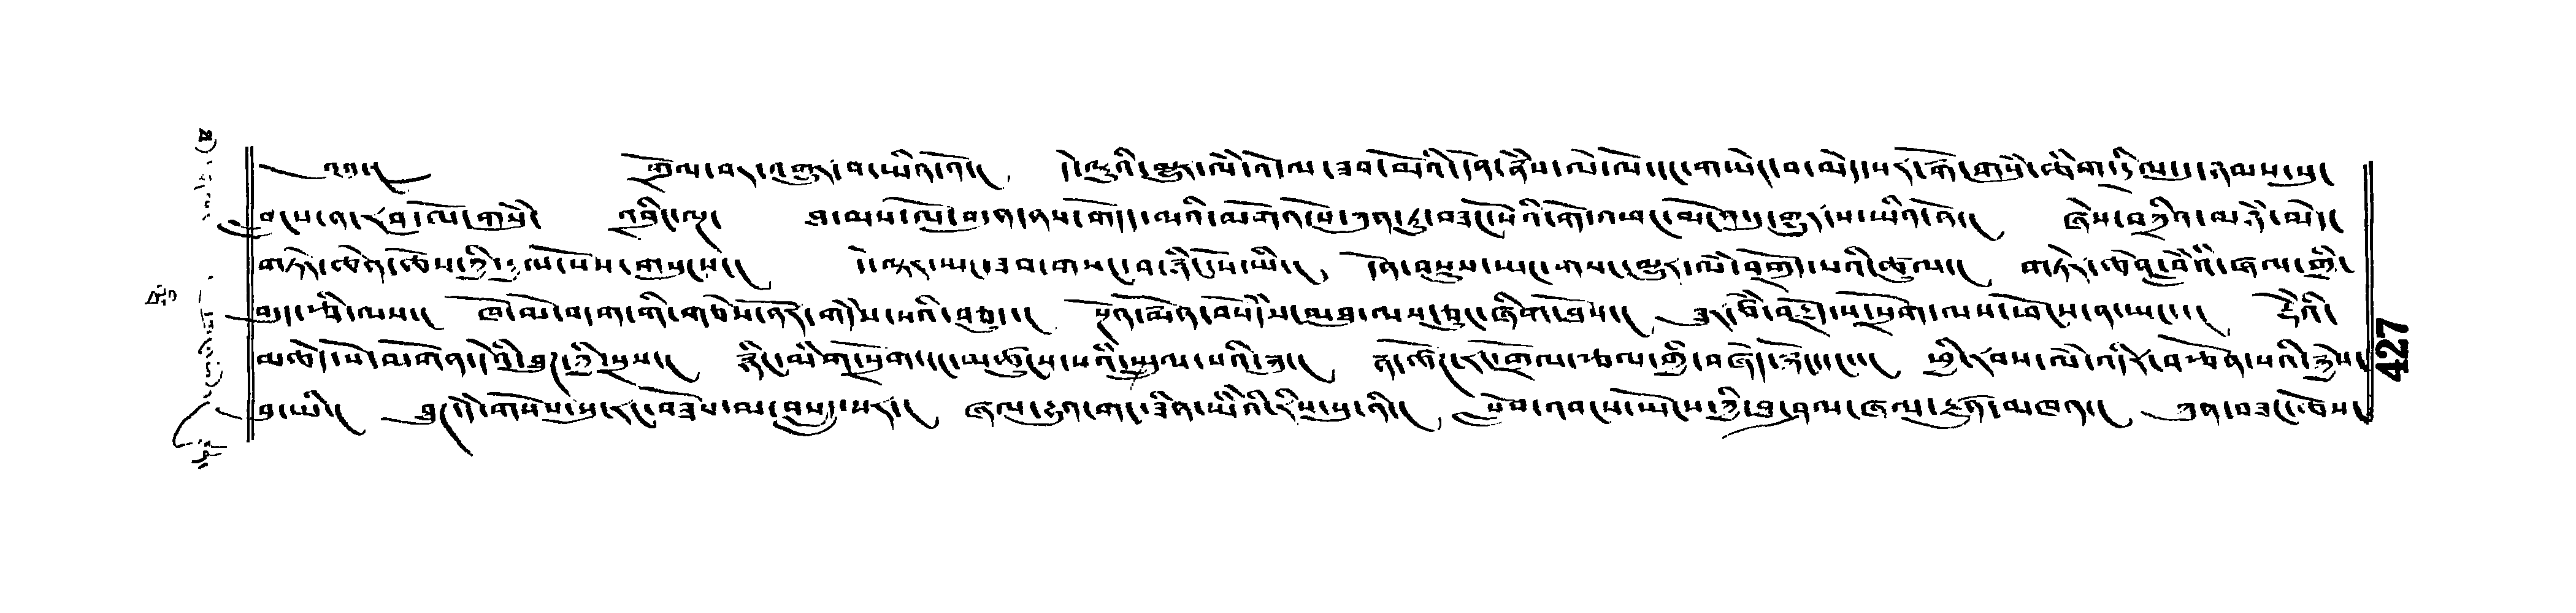གྲོལ་བར་འགྱུར་བ་ཡིན་ནོ། དེ་ལྟ་བུའི་མྱུར་ལམ་འོད་གསལ་ཟབ་མོའི་དོན་རྣམས་ལེ་ལོ་དང་གཡེང་བ་མེད་པར་སྒོ་གསུམ་ཆིག་དྲིལ་དུ་ཉམས་སུ་
བླངས་ན་རབ་ལོ་གསུམ། འབྲིང་ལྔ། ཐ་མས་ལོ་བདུན་ནས་གདོད་མའི་མགོན་པོ་ཀུན་ཏུ་བཟང་པོའི་གོ་འཕང་མངོན་དུ་འགྱུར་པ་ཡིན་ནོ། ཞེས་བཀའ་དྲིན་མཉམ་མེད་
གཏེར་ཆེན་ཆོས་ཀྱི་རྒྱལ་པོས་གསུངས། དེ་ལྟར་ཡང་ཟབ་གསང་བ་སྙིང་པོ་ཡི། །དོན་བསྡུས་ཡང་གསང་མྱུར་ལམ་བགྲོད་པའི་ཚུལ། །གཏེར་ཆེན་བླ་མའི་ཞལ་གྱི་
བདུད་རྩི་ལས། ཁོ་མོ་བདག་གི་གཅེས་ནོར་གདམས་པའི་བཅུད། །སྔོན་སྨོན་བསོད་ནམས་མཐུ་ལས་ཅུང་ཞིག་ཐོས། །ཟུར་ཙམ་བརྗོད་པ་སྲོག་ལས་ཕངས་ན་ཡང་། །རྡོ་རྗེའི་
མཆེད་པོ་མགོན་དེའི་ཐུགས་ཀྱི་སྲས། །སྙིང་མིག་སྲོག་དང་མཚུངས་པའི་སྤྲུལ་པའི་སྐུ། །སྣ་ཚོགས་རང་གྲོལ་རྩལ་གྱི་བཞེད་སྐོང་དང་། །ཕྱི་རབས་ལམ་འདིར་བརྩོན་པའི་སྐྱེས་
བུ་ཡི། །ཐུགས་དམ་གསོས་སུ་རང་བཟོས་མ་བསླད་པར། །ཞལ་རྒྱུན་གང་ཟིན་ཡི་གེའི་རིས་སུ་ནི། །སློབ་འབངས་ཡོངས་ཀྱི་ཐ་ཤལ་ཞལ་རྫུན་མཁན། །ཀུན་བཟང་ཆོས་